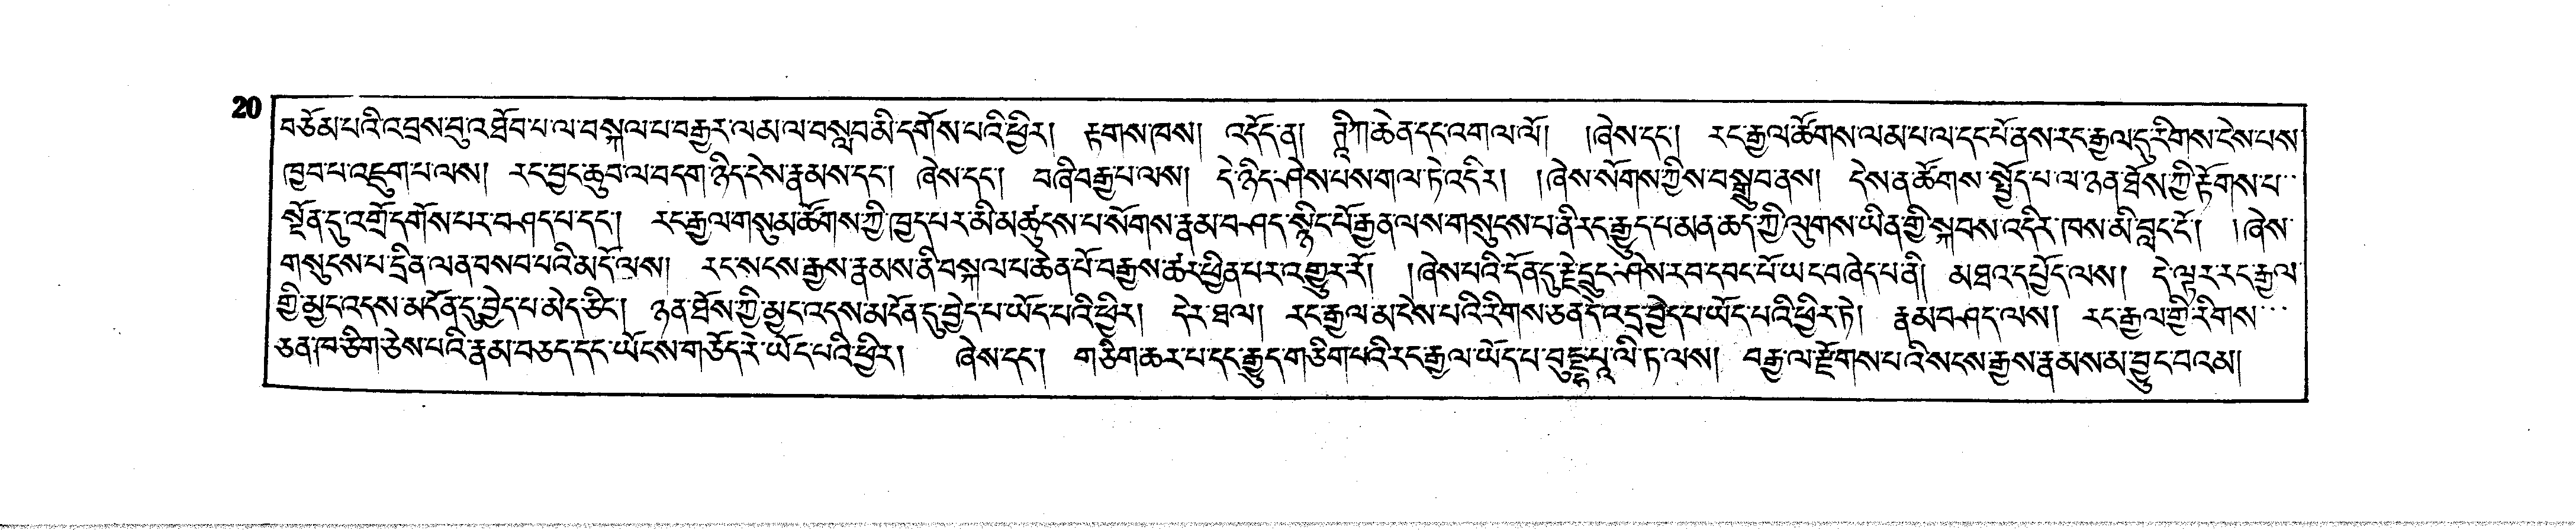བཅོམ་པའི་འབྲས་བུ་འཐོབ་པ་ལ་བསྐལ་པ་བརྒྱར་ལམ་ལ་བསླབ་མི་དགོས་པའི་ཕྱིར། རྟགས་ཁས། འདོད་ན། ཊཱིཀ་ཆེན་དང་འགལ་ལོ། །ཞེས་དང་། རང་རྒྱལ་ཚོགས་ལམ་པ་ལ་དང་པོ་ནས་རང་རྒྱལ་དུ་རིགས་ངེས་པས་
ཁྱབ་པ་འཇུག་པ་ལས། རང་བྱང་ཆུབ་ལ་བདག་ཉིད་ངེས་རྣམས་དང་། ཞེས་དང་། བཞི་བརྒྱ་པ་ལས། དེ་ཉིད་ཤེས་པས་གལ་ཏེ་འདིར། །ཞེས་སོགས་ཀྱིས་བསྒྲུབ་ནས། དེས་ན་ཚོགས་སྤྱོད་པ་ལ་ཉན་ཐོས་ཀྱི་རྟོགས་པ་
སྔོན་དུ་འགྲོ་དགོས་པར་བཤད་པ་དང་། རང་རྒྱལ་གསུམ་ཚོགས་ཀྱི་ཁྱད་པར་མི་མཚུངས་པ་སོགས་རྣམ་བཤད་སྙིང་པོ་རྒྱན་ལས་གསུངས་པ་ནི་རང་རྒྱུད་པ་མན་ཆད་ཀྱི་ལུགས་ཡིན་གྱི་སྐབས་འདིར་ཁས་མི་བླང་ངོ། །ཞེས་
གསུངས་པ་དྲིན་ལན་བསབ་པའི་མདོ་ལས། རང་སངས་རྒྱས་རྣམས་ནི་བསྐལ་པ་ཆེན་པོ་བརྒྱས་ཚར་ཕྱིན་པར་འགྱུར་རོ། །ཞེས་པའི་དོན་དུ་རྗེ་དྲུང་ཤེས་རབ་དབང་པོ་ཡང་བཞེད་པ་ནི། མཐའ་དཔྱོད་ལས། དེ་ལྟར་རང་རྒྱལ་
གྱི་མྱང་འདས་མངོན་དུ་བྱེད་པ་མེད་ཅིང་། ཉན་ཐོས་ཀྱི་མྱང་འདས་མངོན་དུ་བྱེད་པ་ཡོད་པའི་ཕྱིར། དེར་ཐལ། རང་རྒྱལ་མ་ངེས་པའི་རིགས་ཅན་དེ་འདྲ་བྱེད་པ་ཡོད་པའི་ཕྱིར་ཏེ། རྣམ་བཤད་ལས། རང་རྒྱལ་གྱི་རིགས་
ཅན་ཁ་ཅིག་ཅེས་པའི་རྣམ་བཅད་དང་ཡོངས་གཅོད་རེ་ཡོད་པའི་ཕྱིར། ཞེས་དང་། གཅིག་ཆར་པ་དང་རྒྱུད་གཅིག་པའི་རང་རྒྱལ་ཡོད་པ་བུདྡྷ་པཱ་ལི་ཏ་ལས། བརྒྱ་ལ་རྫོགས་པའི་སངས་རྒྱས་རྣམས་མ་བྱུང་བའམ།